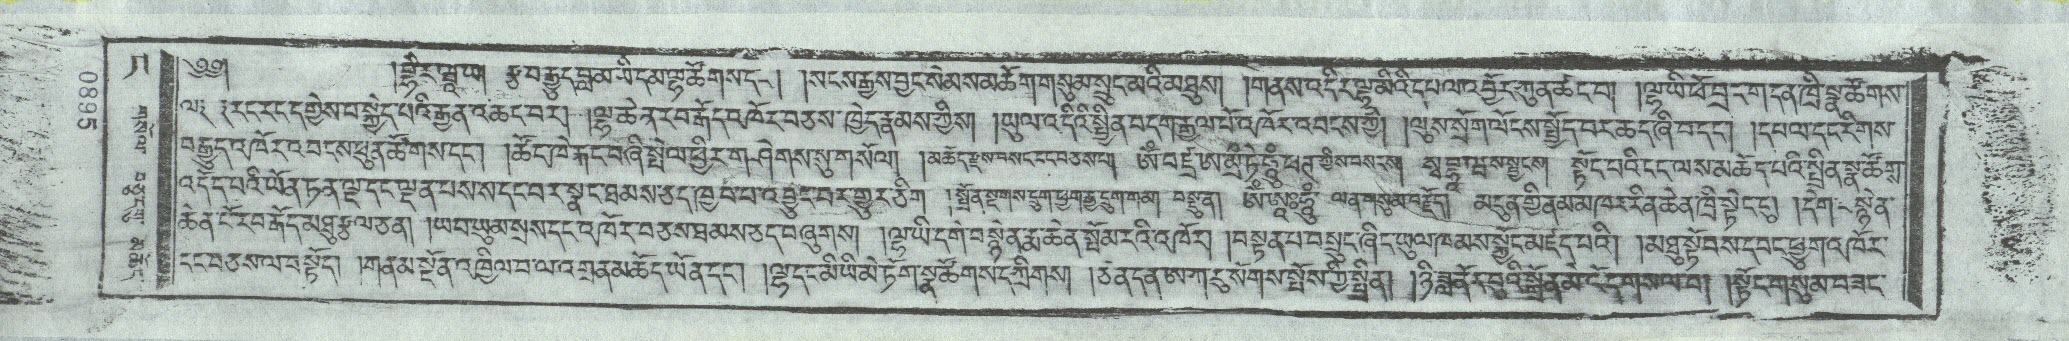༄༅། །བྷཻ་ར་ཝཱ་ཡ། རྩ་བརྒྱུད་བླ་མ་ཡི་དམ་ལྷ་ཚོགས་དང་། །སངས་རྒྱས་བྱང་སེམས་མཆོག་གསུམ་སྲུང་མའི་མཐུས། །གནས་འདིར་ལྷ་མིའི་དཔལ་འབྱོར་ཀུན་ཚང་བ། །ལྷ་ཡི་ཕོ་བྲང་གདན་ཁྲི་སྣ་ཚོགས་
ལ༑ ༑རང་རང་དགྱེས་པ་སྐྱེད་པའི་རྒྱན་འཆང་བར། །ལྷ་ཆེན་རབ་རྒོད་འཁོར་བཅས་ཁྱེད་རྣམས་ཀྱིས། །ཡུལ་འདིའི་སྦྱིན་བདག་རྒྱལ་པོ་འཁོར་འབངས་ཀྱི། །ལུས་སྲོག་ལོངས་སྤྱོད་བར་ཆད་ཞི་བ་དང་། །དཔལ་དང་རིགས་
བརྒྱུད་འཁོར་འབངས་ཕུན་ཚོགས་དང་། །ཚོང་ཁེ་རྐང་བཞི་སྤེལ་ཕྱིར་གཤེགས་སུ་གསོལ། །མཆོད་རྫས་བསང་པར་བཅས་པ། ཨོཾ་བཛྲ་ཨ་མྲྀ་ཏེ་ཧཱུཾ་ཕཊ་ཀྱིས་བསངས། སྭ་བྷཱ་ཝས་སྦྱངས། སྟོང་པའི་ངང་ལས་མཆོད་པའི་སྤྲིན་སྣ་ཚོགས་
འདོད་པའི་ཡོན་ཏན་ལྔ་དང་ལྡན་པས་ས་དང་བར་སྣང་ཐམས་ཅད་ཁྱབ་པ་འབྱུང་བར་གྱུར་ཅིག །སྤྲོན་སྔགས་དྲུག་ཕྱག་རྒྱ་དྲུག་གམ། བསྡུ་ན། ཨོཾ་ཨཱཿཧཱུཾ། ལན་གསུམ་བརྗོད། མདུན་གྱི་ནམ་མཁར་རིན་ཆེན་ཁྲི་སྟེང་དུ། །དགེ་བསྙེན་
ཆེན་པོ་རབ་རྒོད་མཐུ་རྩལ་ཅན། །ཡབ་ཡུམ་སྲས་དང་འཁོར་བཅས་ཐམས་ཅད་བཞུགས། །ལྷ་ཡི་དགེ་བསྙེན་རྨ་ཆེན་སྤོ་མ་རའི་འཁོར། །བསྟན་པ་བསྲུང་ཞིང་ཡུལ་ཁམས་སྐྱོང་མཛད་པའི། །མཐུ་སྟོབས་དབང་ཕྱུག་འཁོར་
དང་བཅས་ལ་བསྟོད། །གནམ་སྔོན་འཁྱིལ་བ་ལ་འགྲན་མཆོད་ཡོན་དང་། །ལྷ་དང་མི་ཡི་མེ་ཏོག་སྣ་ཚོགས་དཀྲིགས། །ཙན་དན་ཨ་ཀ་རུ་སོགས་སྤོས་ཀྱི་སྤྲིན། །ཉི་ཟླ་ནོར་བུའི་སྒྲོན་མེ་འོད་གསལ་བ། །སྟོང་གསུམ་བཟང་